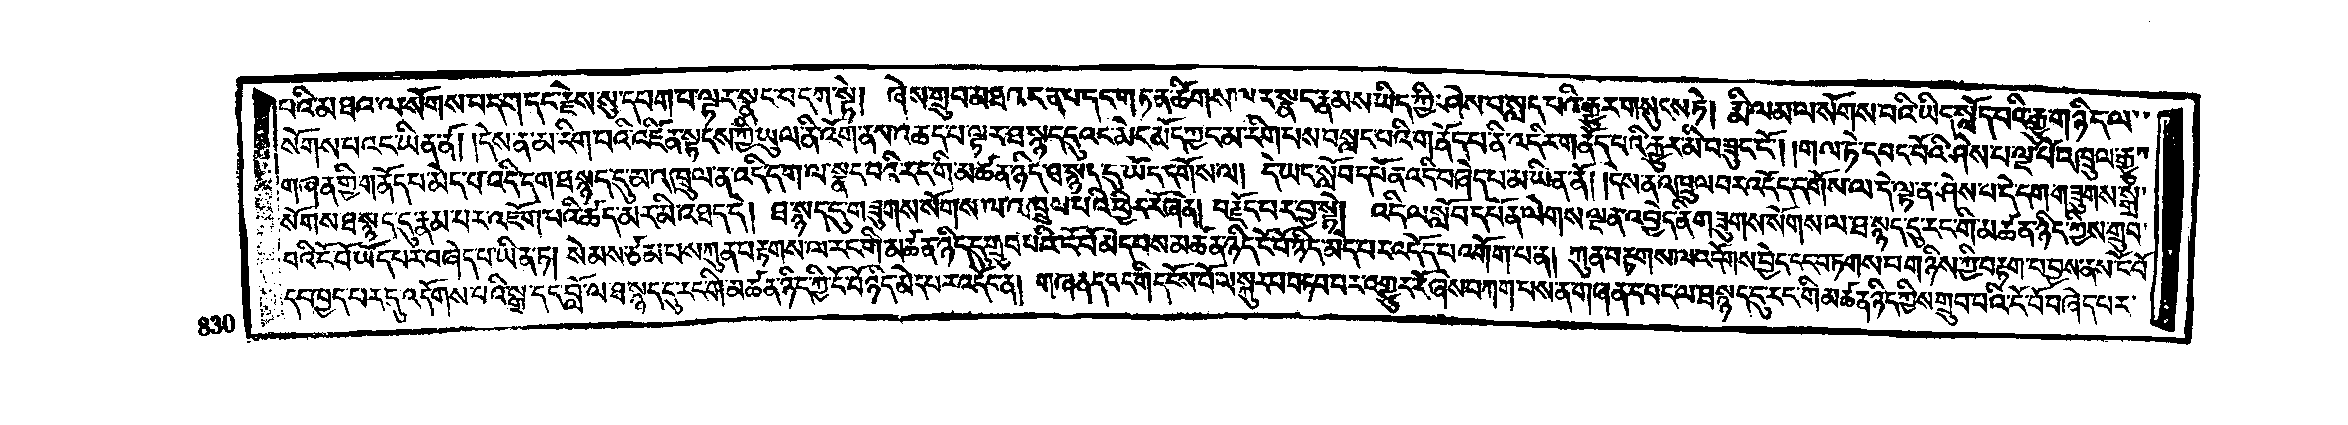པའི་མཐའ་ལ་སོགས་པ་དག་དང་རྗེས་སུ་དཔག་པ་ལྟར་སྣང་བ་དག་སྟེ། ཞེས་གྲུབ་མཐའ་ངན་པ་དང་གཏན་ཚིགས་ལྟར་སྣང་རྣམས་ཡིད་ཀྱི་ཤེས་པ་སློད་པའི་རྒྱུར་གསུངས་ཏེ། རྨི་ལམ་ལ་སོགས་པའི་ཡིད་སློད་པའི་རྒྱུ་གཉིད་ལ་
སོགས་པའང་ཡིན་ནོ། །དེས་ན་མ་རིག་པའི་འཛིན་སྟངས་ཀྱི་ཡུལ་ནི་འོག་ནས་འཆད་པ་ལྟར་ཐ་སྙད་དུའང་མེད་མོད་ཀྱང་མ་རིག་པས་བསླད་པའི་གནོད་པ་ནི་འདིར་གནོད་པའི་རྒྱུར་མི་བཟུང་ངོ། །གལ་ཏེ་དབང་པོའི་ཤེས་པ་ལྔ་པོ་འཁྲུལ་རྒྱུ་
གཞན་གྱི་གནོད་པ་མེད་པ་འདི་དག་ཐ་སྙད་དུ་མ་འཁྲུལ་ན་འདི་དག་ལ་སྣང་བའི་རང་གི་མཚན་ཉིད་ཐ་སྙད་དུ་ཡོད་དགོས་ལ། དེ་ཡང་སློབ་དཔོན་འདི་བཞེད་པ་མ་ཡིན་ནོ། །དེས་ན་འཁྲུལ་བར་འདོད་དགོས་ལ་དེ་ལྟ་ན་ཤེས་པ་དེ་དག་གཟུགས་སྒྲ་
སོགས་ཐ་སྙད་དུ་རྣམ་པར་འཇོག་པའི་ཚད་མར་མི་འཐད་དེ། ཐ་སྙད་དུ་གཟུགས་སོགས་ལ་འཁྲུལ་བའི་ཕྱིར་རོ་ཞེ་ན། བརྗོད་པར་བྱ་སྟེ། འདི་ལ་སློབ་དཔོན་ལེགས་ལྡན་འབྱེད་ནི་གཟུགས་སོགས་ལ་ཐ་སྙད་དུ་རང་གི་མཚན་ཉིད་ཀྱིས་གྲུབ་
པའི་ངོ་བོ་ཡོད་པར་བཞེད་པ་ཡིན་ཏེ། སེམས་ཙམ་པས་ཀུན་བརྟགས་ལ་རང་གི་མཚན་ཉིད་དུ་གྲུབ་པའི་ངོ་བོ་མེད་པས་མཚན་ཉིད་ངོ་བོ་ཉིད་མེད་པར་འདོད་པ་འགོག་པ་ན། ཀུན་བརྟགས་ལ་འདོགས་བྱེད་དང་བཏགས་པ་གཉིས་ཀྱི་བརྟག་པ་བྱས་ནས་ངོ་བོ་
དང་ཁྱད་པར་དུ་འདོགས་པའི་སྒྲ་དང་བློ་ལ་ཐ་སྙད་དུ་རང་གི་མཚན་ཉིད་ཀྱི་ངོ་བོ་ཉིད་མེད་པར་འདོད་ན། གཞན་དབང་གི་དངོས་པོ་ལ་སྐུར་བ་བཏབ་པར་འགྱུར་རོ་ཞེས་བཀག་པས་ན་གཞན་དབང་ལ་ཐ་སྙད་དུ་རང་གི་མཚན་ཉིད་ཀྱིས་གྲུབ་པའི་ངོ་བོ་བཞེད་པར་